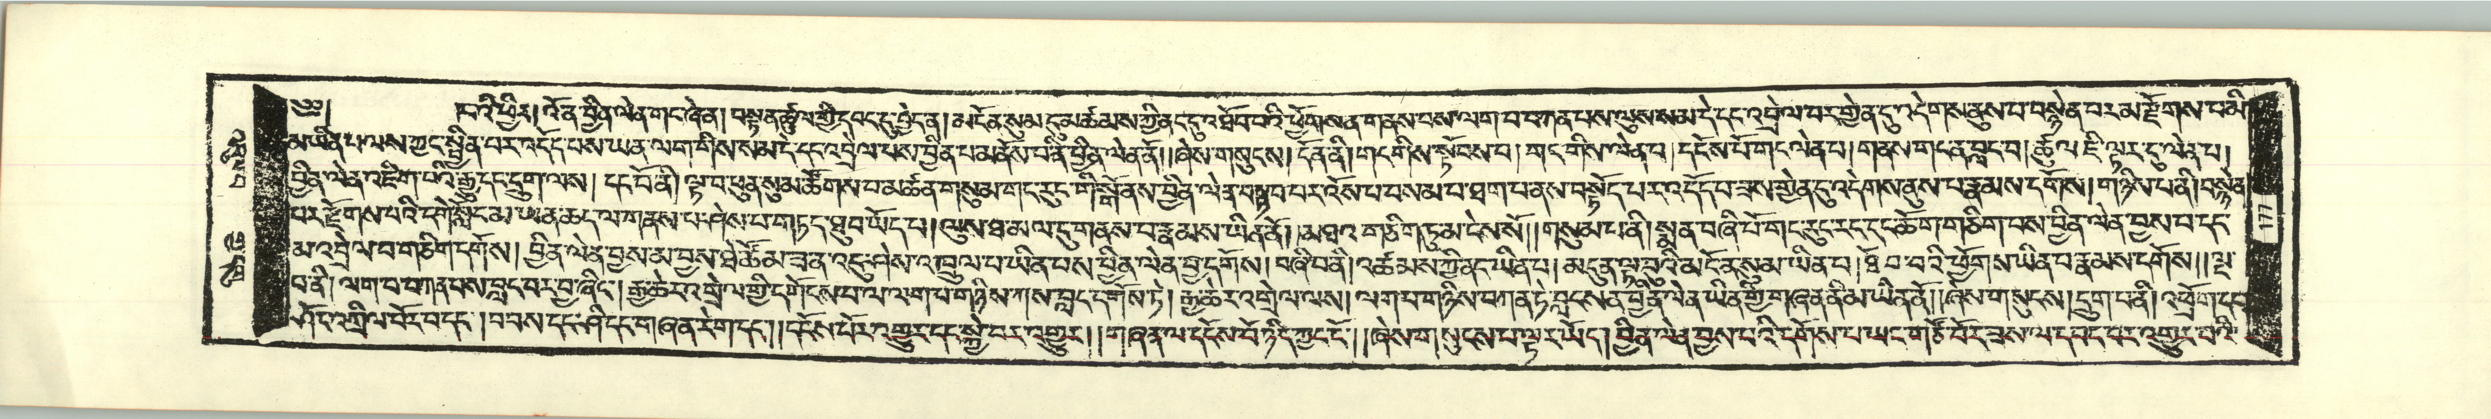༄༅། །པའི་ཕྱིར། འོ་ན་བྱིན་ལེན་གང་ཞེ་ན། བསྟན་ཚུལ་གྱི་དབང་དུ་བྱེད་ན། མངོན་སུམ་དུ་མཚམས་ཀྱི་ནང་དུ་འཐོབ་པའི་ཕྱོགས་ན་གནས་པས་ལག་པ་བཀན་པས་ལུས་སམ་དེ་དང་འབྲེལ་བར་གྱེན་དུ་འདེགས་ནུས་པ་བསྙེན་པར་མ་རྫོགས་པ་མི་
མ་ཡིན་པ་ལས་ཀྱང་སྦྱིན་པར་འདོད་པས་ཡན་ལག་གིས་སམ་དེ་དང་འབྲེལ་པས་བྱིན་པ་མནོས་པ་ནི་བྱིན་ལེན་ནོ། །ཞེས་གསུངས། དོན་ནི། གང་གིས་སྟོབས་པ། གང་གིས་ལེན་པ། དངོས་པོ་གང་ལེན་པ། གནས་གང་ན་བླང་བ། ཚུལ་ཇི་ལྟར་དུ་ལེན་པ།
བྱིན་ལེན་འཇིག་པའི་རྒྱུ་དང་དྲུག་ལས། དང་པོ་ནི། ལྟ་བ་ཕུན་སུམ་ཚོགས་པ་མཚན་གསུམ་གང་རུང་གི་སྒོ་ནས་བྱིན་ལེན་བསྟབ་པར་འོས་པ་བསམ་པ་ཐག་པ་ནས་བསྟོད་པར་འདོད་པ་ཟས་གྱེན་དུ་འདེགས་ནུས་པ་རྣམས་དགོས། གཉིས་པ་ནི། བསྙེན་
པར་རྫོགས་པའི་དགེ་སློང་མ་ཡན་ཆད་ལ་གནས་པ་ཤེས་པ་གཏད་ཐུབ་ཡོད་པ། ལུས་ཐ་མལ་དུ་གནས་པ་རྣམས་ཡིན་ནོ། །མཐའ་གཅིག་ཏུ་མ་ངེས་སོ། །གསུམ་པ་ནི། སྨན་བཞི་པོ་གང་རུང་རང་དང་ཆོ་ག་གཅིག་པས་བྱིན་ལེན་བྱས་པ་དང་
མ་འབྲེལ་བ་གཅིག་དགོས། བྱིན་ལེན་བྱས་མ་བྱས་ཐེ་ཚོམ་ཟ་ན་འདུ་ཤེས་འཁྲུལ་པ་ཡིན་པས་བྱིན་ལེན་བྱ་དགོས། བཞི་པ་ནི། འཚམས་ཀྱི་ནང་ཡིན་པ། མདུན་ལྟ་བུའི་མངོན་སུམ་ཡིན་པ། ཐོབ་པའི་ཕྱོགས་ཡིན་པ་རྣམས་དགོས། །ལྔ་
པ་ནི། ལག་པ་བཀན་པས་བླང་བར་བྱ་ཞིང་། རྒྱ་ཆེར་འགྲེལ་གྱི་དགོངས་པ་ལ་ལག་པ་གཉིས་ཀས་བླང་དགོས་ཏེ། རྒྱ་ཆེར་འགྲེལ་ལས། ལག་པ་གཉིས་བཀན་ཏེ་བླངས་ན་བྱིན་ལེན་ཡིན་གྱི་གཞན་ནི་མ་ཡིན་ནོ། །ཞེས་གསུངས། དྲུག་པ་ནི། འཕྲོ་ག་དང་
ཤོང་འགྲིལ་པོར་བ་དང་། བབས་དང་ཤི་དང་གཞན་རེག་དང་། །དངོས་པོར་འགྱུར་དང་སྐྱེ་བར་འགྱུར། །གཞན་ལ་དངོས་པོ་ཉིད་ཀྱང་ངོ། །ཞེས་གསུངས་པ་ལྟར་ཡོད། བྱིན་ལེན་བྱས་པའི་དགོས་པ་ཡང་གཙོ་བོར་ཟས་ལ་དབང་བར་འགྱུར་བའི་